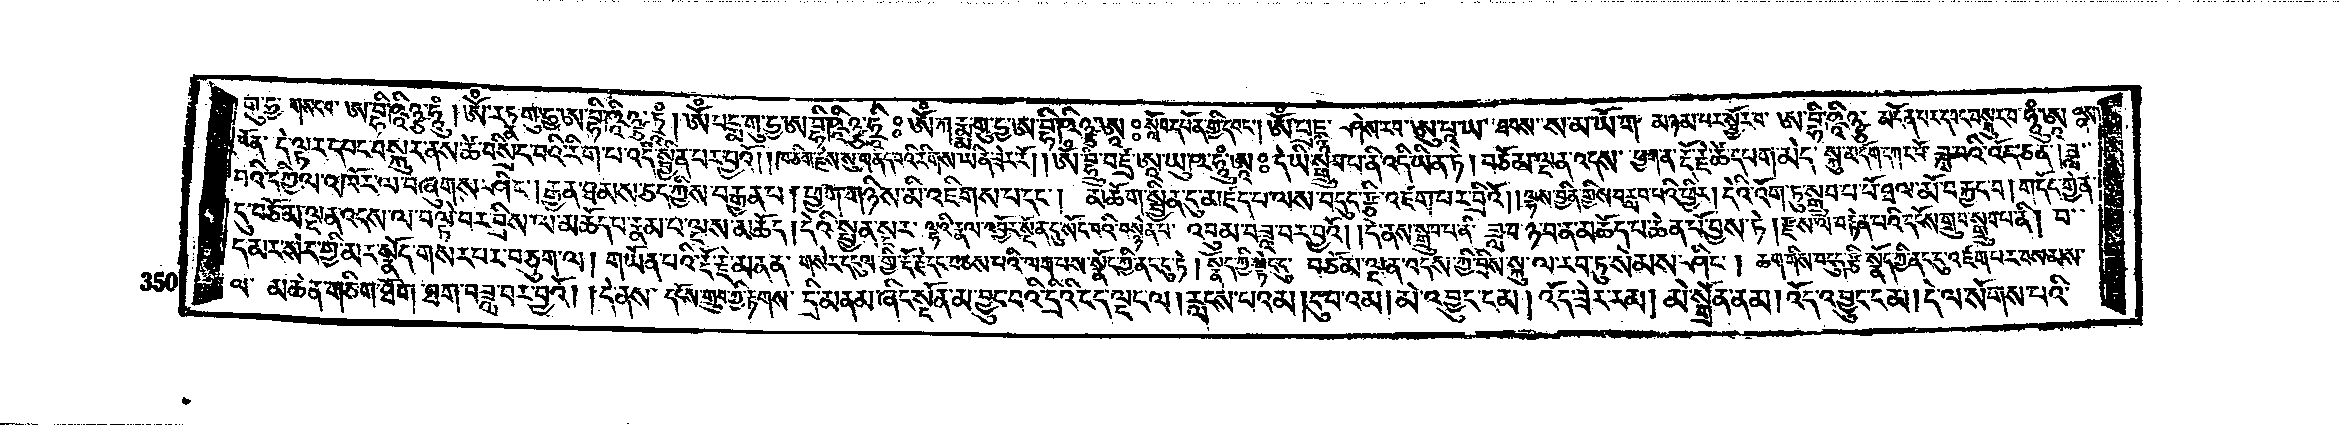གུ་ཧྱ་གསང་བ་ཨ་བྷི་ཥཱིཉྩ་ཧཱུཾ། ཨོཾ་རཏྣ་གུ་ཧྱ་ཨ་བྷི་ཥཱིཉྩ་ཏྲཱཾ། ཨོཾ་པདམ་གུ་ཧྱ་ཨ་བྷི་ཥཱིཉྩ་ཧྲཱིཿ ཨོཾ་ཀརྨྨ་གུ་ཧྱ་ཨ་བྷི་ཥཱིཉྩ་ཨཱཿ སློབ་དཔོན་གྱི་དབང་།  ཨོཾ་པྲཇྙཱ་ཤེས་རབ་ཨུ་པཱ་ཡ་ཐབས་ས་མ་ཡོ་ག་མཉམ་པར་སྦྱོར་བ་ཨ་བྷི་ཥཱིཉྩ་མངོན་པར་དབང་བསྐུར་བ་ཧཱུཾ་ཨཱཿ ས་
བོན་དེ་ལྟར་དབང་བསྐུར་ནས་ཚེ་བསྲིད་བའི་རིག་པ་འདི་སྦྱིན་པར་བྱའོ། ། ཁ་ཅིག་རྗེས་སུ་གནད་པའི་རིགས་ཡིན་ཟེར་རོ།  །ཨོཾ་བྷྲཱུཾ་བཛྲ་ཨཱ་ཡུ་ཥ་ཧཱུཾ་ཨཱཿ དེ་ཡི་སྒྲུབ་པ་ནི་འདི་ཡིན་ཏེ། བཅོམ་ལྡན་འདས་ཕྱག་ན་རྡོ་རྗེ་ཚེ་དཔག་མེད་སྐུ་མདོག་དཀར་པོ་ཟླ་བའི་འོད་ཅན། ཟླ་
བའི་དཀྱིལ་འཁོར་ལ་བཞུགས་ཤིང་། རྒྱན་ཐམས་ཅད་ཀྱིས་བརྒྱན་པ། ཕྱག་གཉིས་མི་འཇིགས་པ་དང་། མཆོག་སྦྱིན་དུ་མཛད་པ་ལས་བདུད་རྩི་འཛག་པར་བྲིའོ། །ལྷས་བྱིན་གྱིས་བརླབ་པའི་ཕྱིར། དེའི་འོག་ཏུ་སྒྲུབ་པ་པོ་ཐལ་མོ་བརྐྱང་བ། གདོང་གྱེན་
དུ་བཅོམ་ལྡན་འདས་ལ་བལྟ་བར་བྲིས་ལ་མཆོད་པ་རྣམ་པ་ལྔས་མཆོད། དེའི་སྤྱན་སྔར་ལྷའི་རྣལ་འབྱོར་སྔོན་དུ་སོང་བའི་བསྙེན་པ་འབུམ་བཟླ་བར་བྱའོ། །དེ་ནས་སྒྲུབ་པ་ནི་ཟླ་བ་ཉ་བ་ན་མཆོད་པ་ཆེན་པོ་བྱས་ཏེ། རྫས་ལ་བརྟེན་པའི་དངོས་གྲུབ་སྒྲུབ་པ་ནི། བ་
དམར་སེར་གྱི་མར་སྣོད་གསར་པར་བཅུག་ལ། གཡོན་པའི་རྡོ་རྗེ་མནན་གསེར་དངུལ་གྱི་རྡོ་རྗེ་དང་བཅས་པའི་ལག་པས་སྣོད་ཀྱི་ནང་དུ་ཏེ། སྣོད་ཀྱི་སྟེང་དུ་བཅོམ་ལྡན་འདས་ཀྱི་བྲིས་སྐུ་ལ་རབ་ཏུ་སེམས་ཤིང་། ཆག་གིས་བདུད་རྩི་སྣོད་ཀྱི་ནང་དུ་འཛག་པར་བསམས་
ལ་མཚན་གཅིག་ཐོག་ཐག་བཟླ་བར་བྱའོ། །དེ་ནས་དངོས་གྲུབ་ཀྱི་རྟགས་དྲི་མནམ་ཞིང་སྔོན་མ་བྱུང་བའི་དྲིའི་ངད་ལྡང་ལ། རླངས་པའམ། དུ་བ་འམ། མེ་འབྱུང་ངམ། འོད་ཟེར་རམ། མེ་སྒྲོན་ནམ། འོད་འབྱུང་ངམ། དེ་ལ་སོགས་པའི་